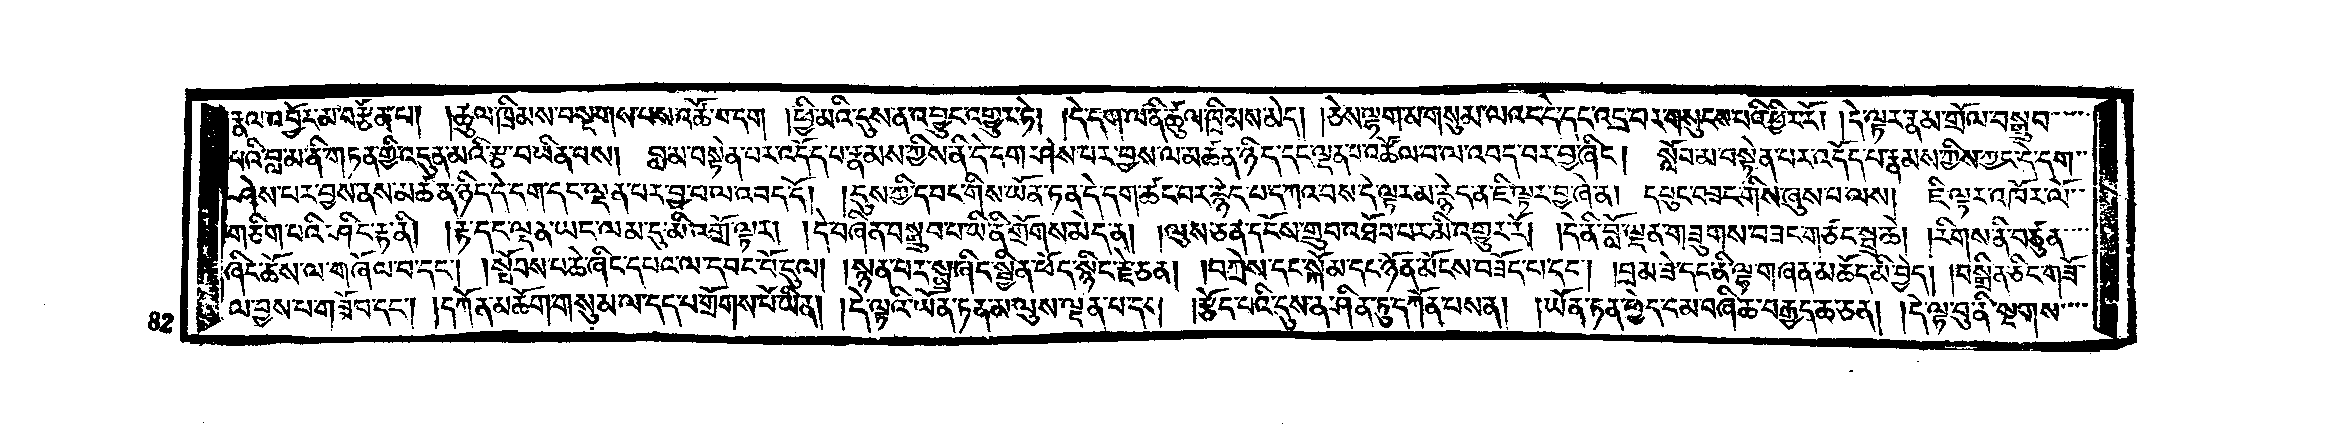རྣལ་འབྱོར་མི་བརྩོན་པ། །ཚུལ་ཁྲིམས་བསྔགས་པས་འཚོ་བ་དག །ཕྱི་མའི་དུས་ན་འབྱུང་འགྱུར་ཏེ། །དེ་དག་ལ་ནི་ཚུལ་ཁྲིམས་མེད། །ཅེས་ལྷག་མ་གསུམ་ལའང་དེ་དང་འདྲ་བར་གསུངས་པའི་ཕྱིར་རོ། །དེ་ལྟར་རྣམ་གྲོལ་བསྒྲུབ་
པའི་བླ་མ་ནི་གཏན་གྱི་འདུན་མའི་རྩ་བ་ཡིན་པས། བླ་མ་བསྟེན་པར་འདོད་པ་རྣམས་ཀྱིས་ནི་དེ་དག་ཤེས་པར་བྱས་ལ་མཚན་ཉིད་དང་ལྡན་པ་འཚོལ་བ་ལ་འབད་པར་བྱ་ཞིང་། སློབ་མ་བསྟེན་པར་འདོད་པ་རྣམས་ཀྱིས་ཀྱང་དེ་དག་
ཤེས་པར་བྱས་ནས་མཚན་ཉིད་དེ་དག་དང་ལྡན་པར་བྱ་བ་ལ་འབད་དོ། །དུས་ཀྱི་དབང་གིས་ཡོན་ཏན་དེ་དག་ཚང་བར་རྙེད་པ་དཀའ་བས་དེ་ལྟར་མ་རྙེད་ན་ཇི་ལྟར་བྱ་ཞེས་ན། དཔུང་བཟང་གིས་ཞུས་པ་ལས། ཇི་ལྟར་འཁོར་ལོ་
གཅིག་པའི་ཤིང་རྟ་ནི། །རྟ་དང་ལྡན་ཡང་ལམ་དུ་མི་འགྲོ་ལྟར། །དེ་བཞིན་བསྒྲུབ་པ་ཡི་ནི་གྲོགས་མེད་ན། །ལུས་ཅན་དངོས་གྲུབ་འཐོབ་པར་མི་འགྱུར་རོ། །དེ་ནི་བློ་ལྡན་གཟུགས་བཟང་གཙང་སྤྲ་ཆེ། །རིགས་ནི་བཙུན་
ཞིང་ཆོས་ལ་གཞོལ་བ་དང་། །སྤོབས་པ་ཆེ་ཞིང་དཔའ་ལ་དབང་པོ་དུལ། །སྙན་པར་སྨྲ་ཞིང་སྦྱིན་ཕོད་སྙིང་རྗེ་ཅན། །བཀྲེས་དང་སྐོམ་དང་ཉོན་མོངས་བཟོད་པ་དང་། །བྲམ་ཟེ་དང་ནི་ལྷ་སྒྮན་མཆོད་མི་བྱེད། །བསྒྲིན་ཅིང་གཟོ་
ལ་བྱས་པ་གཟོ་བ་དང་། །དཀོན་མཆོག་གསུམ་ལ་དད་པ་གྲོགས་པོ་ཡིན། །དེ་ལྟའི་ཡོན་ཏན་མ་ལུས་ལྡན་པ་དག །རྩོད་པའི་དུས་ན་ཤིན་ཏུ་དཀོན་པས་ན། །ཡོན་ཏན་ཕྱེད་དམ་བཞི་ཆ་བརྒྱད་ཆ་ཅན། །དེ་ལྟ་བུ་ནི་སྔགས་